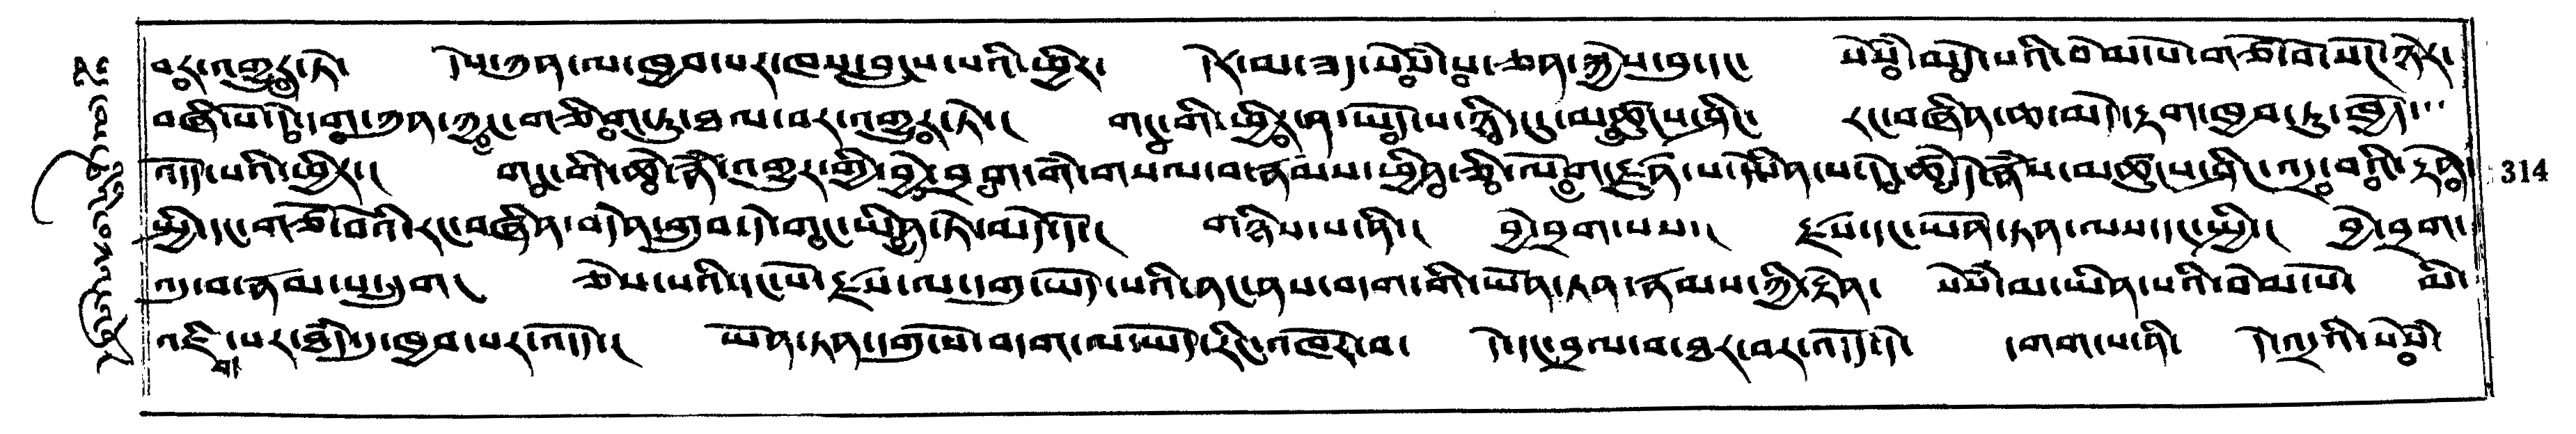བར་འགྱུར་ཏེ། དེས་ཀུན་ལ་ཁྱབ་པར་ཁས་བླངས་པའི་ཕྱིར། དེར་མ་ཟད་སེམས་པ་ཅན་སྐྱེས་བུ་དང་། སེམས་མེད་པའི་བེམ་པོ་གཙོ་བོ་སོགས་ཉེར་
བཞི་པོ་དེ་དག་ཀུན་ཀྱང་གཅིག་ཏུ་ཐལ་བར་འགྱུར་ཏེ། གང་གི་ཕྱིར་ན་ཡོད་པ་ཉིད་དུ་མཚུངས་ཤིང་། རང་བཞིན་ཆ་མེད་རྟག་ཁྱབ་ཏུ་ཁྱོད་
འདོད་པའི་ཕྱིར། གང་གི་ཚེ་རྣམ་འགྱུར་གྱི་བྱེ་བྲག་གམ་གསལ་བ་རྣམས་ཕྱིན་ཅི་ལོག་རྫུན་པ་དེ་ཡིན་པ་དེ་ཚེ་དེ་རྣམས་མཚུངས་ཤིང་འདྲ་བའི་རྟེན་
སྤྱི་དང་གཙོ་བོའི་རང་བཞིན་བདེན་གྲུབ་དེ་གང་ཡིན་ཏེ་མེད་དོ། གཉིས་པ་ནི། བྱེ་བྲག་པས། རྫས་དང་ཡོན་ཏན་ལས་དང་སྤྱི། །བྱེ་བྲག་
འདུ་བ་རྣམ་པ་དྲུག །ཅེས་པའི་དང་པོ་རྫས་ལ་དགུ་ཡོད་པའི་ནང་ནས་བདག་གི་ཡོན་ཏན་རྣམས་ཀྱི་རྟེན། སེམས་མ་ཡིན་པའི་བེམ་པོ་མི་
འཇིག་པར་ཐམས་ཅད་དུ་ཁྱབ་པར་འདོད། ཡོན་ཏན་དགུ་པོ་བདག་ལ་ཡོད་རིང་འཁོར་བ་དེ་དང་བྲལ་བ་ཐར་བར་འདོད་དེ། དགག་པ་ནི། དེ་འདྲའི་སེམས་